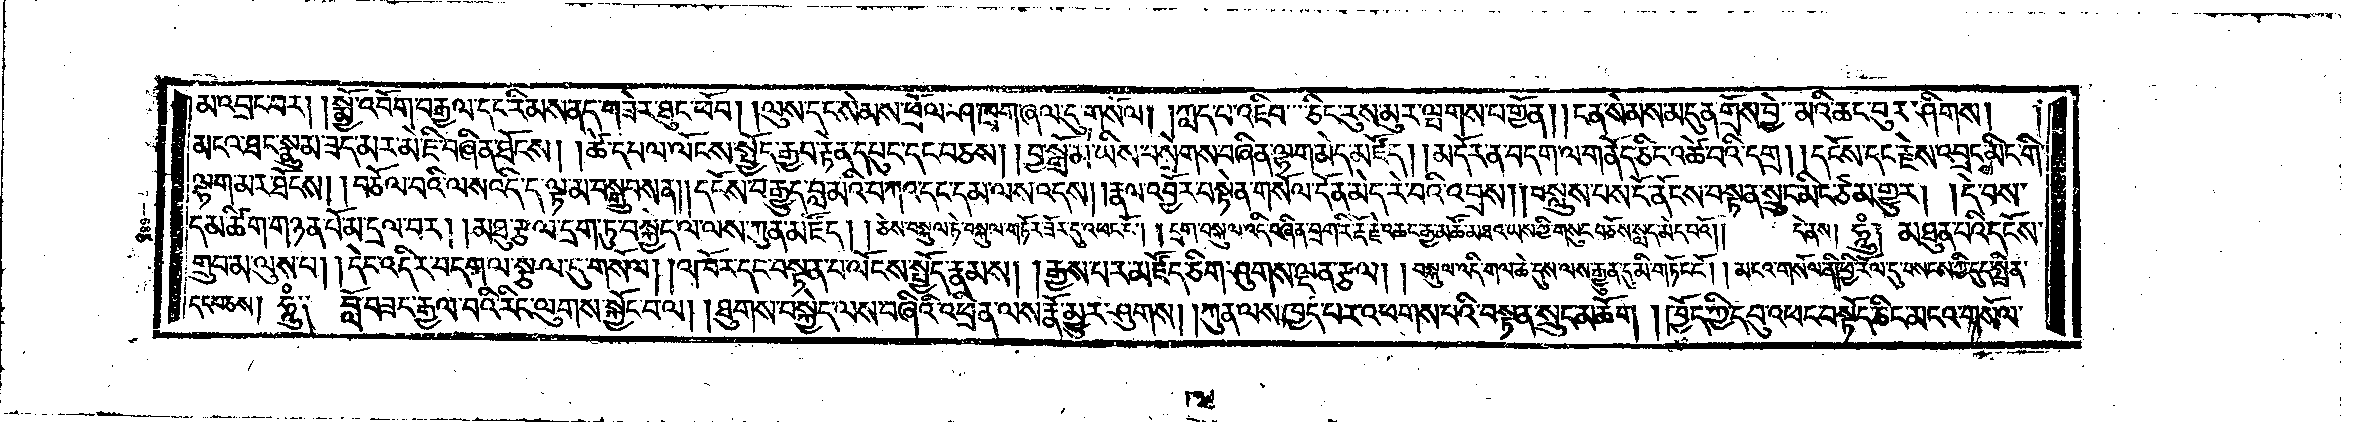མ་འདྲང་བར། །སྨྱོ་འབོག་བརྒྱལ་དང་རིམས་ནད་གཟེར་ཐུང་ཕོབ། །ལུས་དང་སེམས་ཕྲོལ་ཤ་ཁྲག་ཞལ་དུ་གསོལ། །ཀླད་བ་འཇིབ་ཅིང་རུས་མུར་སྤགས་པ་གྱོན། །ངན་སེམས་མདུན་གྲོས་བྱེ་མའི་ཆང་བུར་ཤིགས། །
མངའ་ཐང་སྣུམ་ཟད་མར་མེ་ཇི་བཞིན་ཐོང་། །ཚེ་དཔལ་ལོངས་སྤྱོད་རྒྱབ་རྟེན་དཔུང་དང་བཅས། །བྱ་སྒོ་མ་ཡིས་བསེགས་བཞིན་ལྷག་མེད་མཛོད། །མདོར་ན་བདག་ལ་གནོད་ཅིང་འཚེ་བའི་དགེ། །དངོས་དང་རྗེས་འབྲངས་མི་གི་
ལྷག་མར་ཐོངས། །བཅོལ་བའི་ལས་འདི་ད་ལྟ་བ་སྒྲུབ་ན། །དངོས་བརྒྱུད་བླ་མའི་བཀའ་དང་དམ་ལས་འདས། །རྣལ་འབྱོར་བསྟེན་གསོལ་དོན་མེད་རེ་བའི་འབས། །བསླུ་བས་དོ་ནོངས་བསྟན་སྲུང་མིང་ཙམ་གྱུར། །དེ་བས་
དམ་ཚིག་གཉན་པོ་མ་དྲལ་བར། །མཐུ་རྩལ་དྲག་ཏུ་བསྐྱེད་ལ་ལས་ཀུན་མཛོད། །ཅེས་བསྐུལ་ཏེ་བསྐུལ་གཏོར་ཟོར་དུ་འཕང་ངོ། །དྲག་བསྐུལ་འདི་བཞིན་བྲག་རི་རྡོ་རེ་འཆད་རྒྱ་མཚོ་མཐའ་ཡས་ཀྱི་གསུང་བཅོས་སྲད་མེད་པའོ།། དེ་ནས་ཧཱུཾ༑ མཐུན་པའི་དངོས་
གྲུབ་མ་ལུས་པ། །དེང་འདིར་དག་ལ་སྩལ་དུ་གསོལ། །འཁོར་དང་བསྟན་པ་ལོངས་སྤྱོད་རྣམས། །རྒྱས་པར་མཛོད་ཅིག་ཤུགས་ལྡན་རྩལ། །བསྐུལ་འདི་གལ་ཆེ་དུས་ལས་རྒྱུན་དུ་མི་གཏོང་ངོ། །མངའ་གསོལ་ནི་ཕྱིར་རོལ་དུ་བསང་ཀྱི་དུད་སྦྲིན་
དང་བས། ཧཱུཾ༑ བློ་བཟང་རྒྱལ་བའི་རིང་ལུགས་སྐྱོང་པ་ལ། །ཐུགས་བསྐྱེད་ལས་བཞིའི་འཕྲིན་ལས་རྣ་མྱུར་ཤུགས། །ཀུན་ལས་ཁྱད་པར་འཕགས་སའི་བསྟན་སྲུང་མཆོད། །ཁྱོད་ཀྱི་དབུ་འཕང་བསྟོད་ཅིང་མངའ་གསོལ་